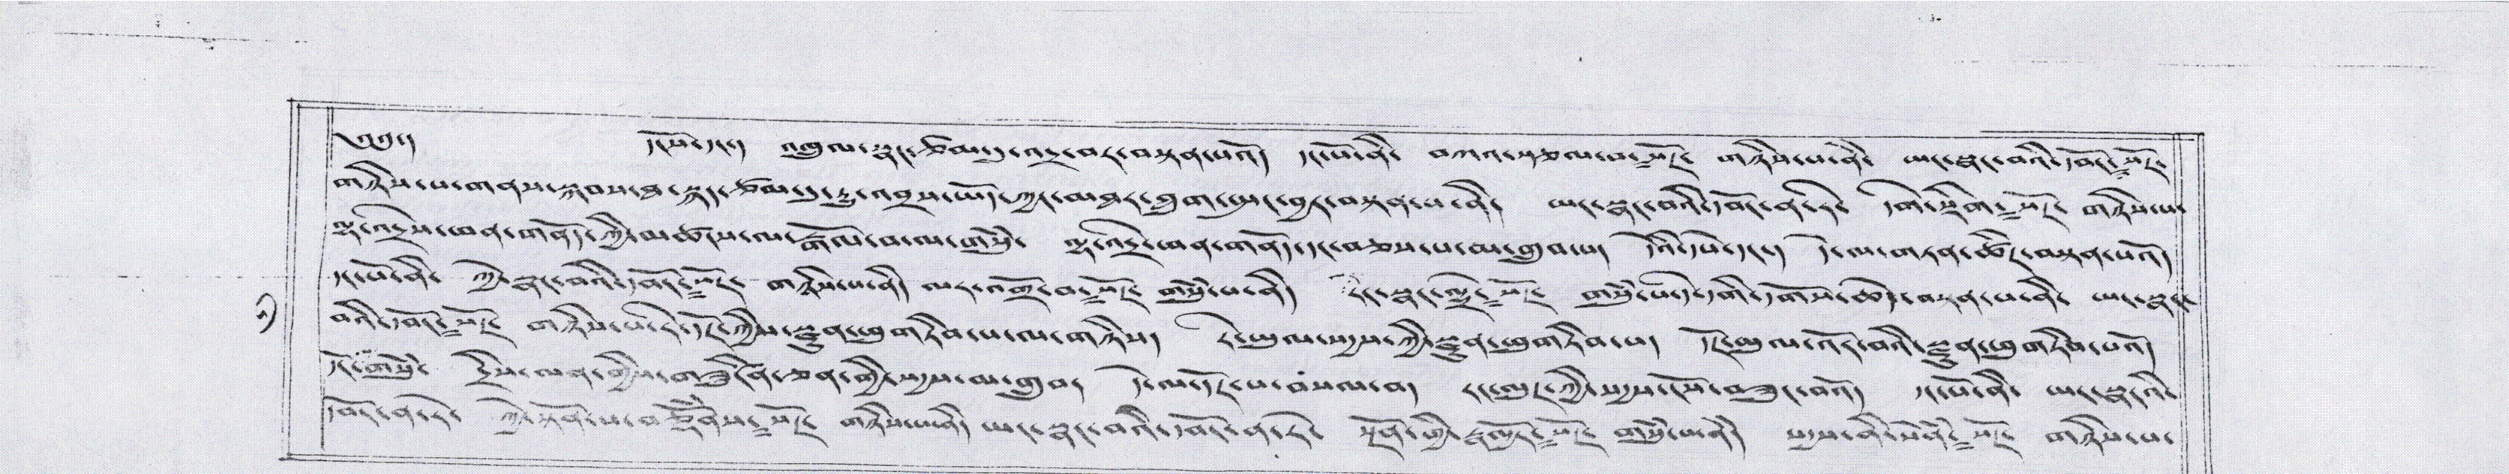དངོས་དང། འཁྲུལ་སྣང་ཙམ་དུ་འདྲ་བར་བསྟན་པའོ། དང་པོ་ནི། བཀའ་སྩལ་བ་་་སོགས། གཉིས་པ་ནི། ཡང་སྣང་བའི་དབང་པོ་་་སོགས། 
གཉིས་པ་གནས་སྐབས་ཐ་སྙད་ཙམ་དུ་རྒྱུ་འབྲས་ཡོད་ཀྱང་མཐར་ཐུག་སྤང་བྱར་བསྟན་པ་ནི། ཡང་སྣང་བའི་དབང་པོ་ན་རེ། དགེ་སྡིག་་་་སོགས། གཉིས་པ་
ལྷ་འདྲེས་ཕན་གནོད་ཀྱི་མཚངས་ལ་རྒོལ་བ་ལ་གསུམ། ལྷ་འདྲེ་ཕན་གནོད་དང་བཅས་པ་མ་གྲུབ་པ། དེའི་དཔེ་དང། དེ་ལ་གཏན་ཚིགས་བསྟན་པའོ། 
དང་པོ་ནི། ཀྱེ་སྣང་བའི་དབང་པོ་་་སོགས། གཉིས་པ་ནི། ལར་འགྲོ་བ་་་སོགས། གསུམ་པ་ནི། རང་སྣང་ལྷ་འདྲེ་་་སོགས། གསུམ་པ་དེ་དག་གི་དགོས་ཆེད་བསྟན་པ་ནི། ཡང་སྣང་
བའི་དབང་པོ་་་་སོགས། གཉིས་པ་རེ་དོགས་ཀྱིས་རྫུན་ཕུག་གཏིབ་པ་ལ་གཉིས། རེ་ཡུལ་སངས་རྒྱས་ཀྱི་རྫུན་ཕུག་གཏིབ་པ། དོགས་ཡུལ་འཁོར་བའི་རྫུན་ཕུག་གཏིབ་པའོ། 
དང་པོ་གསུམ། དྲིས་ལན་གྱིས་གཟུང་འཛིན་ཅན་གྱི་སངས་རྒྱས་མ་གྲུབ། དེ་མ་དོགས་པ་བསལ་བ། རང་ལུགས་ཀྱི་སངས་རྒྱས་ངོས་བཟུང་བའོ། དང་པོ་ནི། ཡང་སྣང་བའི་
དབང་པོ་ན་རེ། ཀྱེ་སྟོན་པ་བཅོམ་ལྡན་འདས་་་སོགས། གཉིས་པ་ནི། ཡང་སྣང་བའི་དབང་པོ་ན་རེ། སྔོན་གྱི་རྣལ་འབྱོར་་་སོགས། གསུམ་པ་ནི། སངས་རྒྱས་ནི་སེམས་ཅན་་་སོགས། གཉིས་པ་